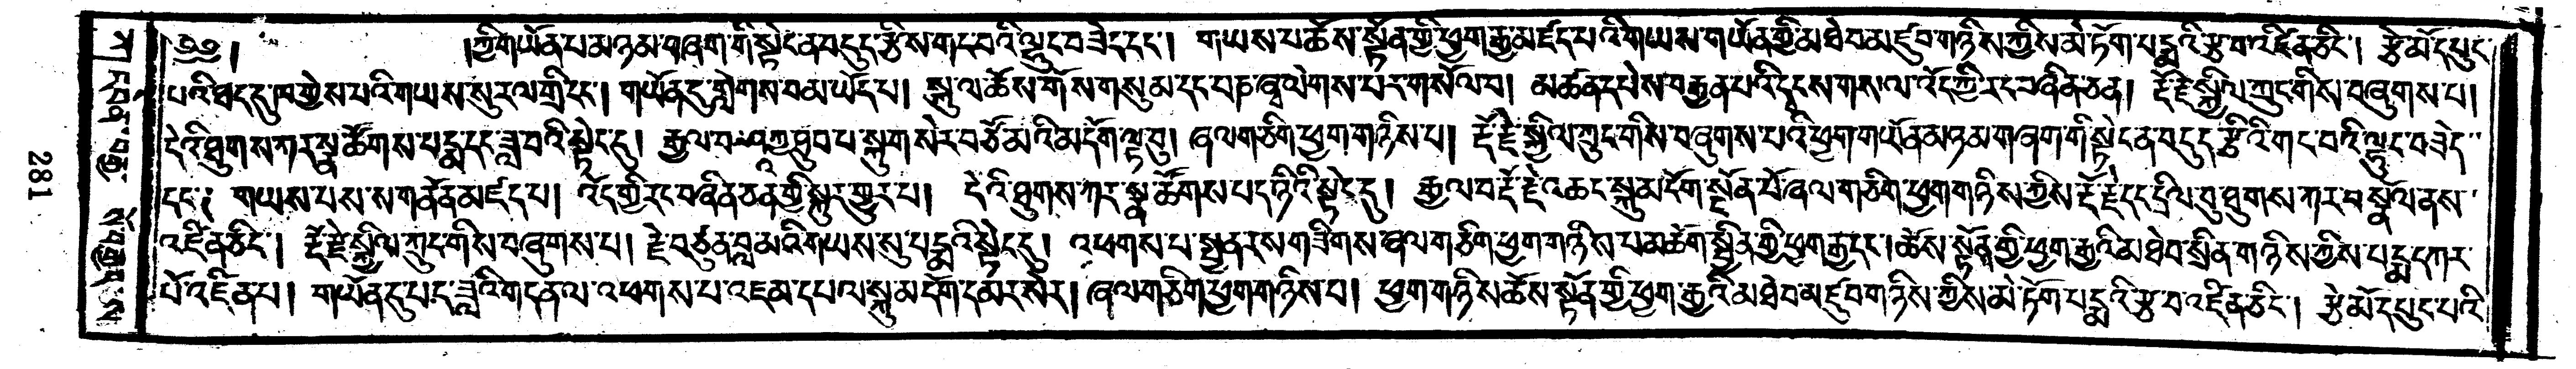༄༅། །ཀྱི་གཡོན་པ་མཉམ་གཞག་གི་སྟེང་ན་བདུད་རྩིས་གང་བའི་ལྷུང་བཟེད་དང་། གཡས་པ་ཆོས་སྟོན་གྱི་ཕྱག་རྒྱ་མཛད་པའི་གཡས་གཡོན་གྱི་མཐེབ་མཛུབ་གཉིས་ཀྱིས་མེ་ཏོག་པདམའི་རྩ་བ་འཛིན་ཅིང་། རྩེ་མོ་དཔུང་
པའི་ཐད་དུ་ཁ་གྱེས་པའི་གཡས་སུ་རལ་གྲི་དང་། གཡོན་དུ་གླེགས་བམ་ཡོད་པ། སྐུ་ལ་ཆོས་གོས་གསུམ་དང་པཎ་ཞྭ་ལེགས་པར་གསོལ་བ། མཚན་དཔེས་བརྒྱན་པའི་དྭངས་གསལ་འོད་ཀྱི་རང་བཞིན་ཅན། རྡོ་རྗེ་སྐྱིལ་ཀྲུང་གིས་བཞུགས་པ།
དེའི་ཐུགས་ཀར་སྣ་ཚོགས་པདམ་དང་ཟླ་བའི་སྟེང་དུ། རྒྱལ་བ་ཤཱཀྱ་ཐུབ་པ་སྐུ་གསེར་བཙོ་མའི་མདོག་ལྟ་བུ། ཞལ་གཅིག་ཕྱག་གཉིས་པ། རྡོ་རྗེ་སྐྱིལ་ཀྲུང་གིས་བཞུགས་པའི་ཕྱག་གཡོན་མཉམ་གཞག་གི་སྟེང་ན་བདུད་རྩིའི་གང་བའི་ལྷུང་བཟེད་
དང༑ གཡས་པས་ས་གནོན་མཛད་པ། འོད་ཀྱི་རང་བཞིན་ཅན་གྱི་སྐུར་གྱུར་པ། དེའི་ཐུགས་ཀར་སྣ་ཚོགས་པད་ཉིའི་སྟེང་དུ། རྒྱལ་བ་རྡོ་རྗེ་འཆང་སྐུ་མདོག་སྔོན་པོ་ཞལ་གཅིག་ཕྱག་གཉིས་ཀྱིས་རྡོ་རྗེ་དང་དྲིལ་བུ་ཐུགས་ཀར་བསྣོལ་ནས་
འཛིན་ཅིང་། རྡོ་རྗེ་སྐྱིལ་ཀྲུང་གིས་བཞུགས་པ། རྗེ་བཙུན་བླ་མའི་གཡས་སུ་པདམའི་སྟེང་དུ། འཕགས་པ་སྤྱན་རས་གཟིགས་ཞལ་གཅིག་ཕྱག་གཉིས་པ་མཆོག་སྦྱིན་གྱི་ཕྱག་རྒྱ་དང་། ཆོས་སྟོན་གྱི་ཕྱག་རྒྱའི་མཐེབ་སྲིན་གཉིས་ཀྱིས་པདམ་དཀར་
པོ་འཛིན་པ། གཡོན་དུ་པད་ཟླའི་གདན་ལ་འཕགས་པ་འཇམ་དཔལ་སྐུ་མདོག་དམར་སེར། ཞལ་གཅིག་ཕྱག་གཉིས་པ། ཕྱག་གཉིས་ཆོས་སྟོན་གྱི་ཕྱག་རྒྱའི་མཐེབ་མཛུབ་གཉིས་ཀྱིས་མེ་ཏོག་པདམའི་རྩ་བ་འཛིན་ཅིང་། རྩེ་མོ་དཔུང་པའི་